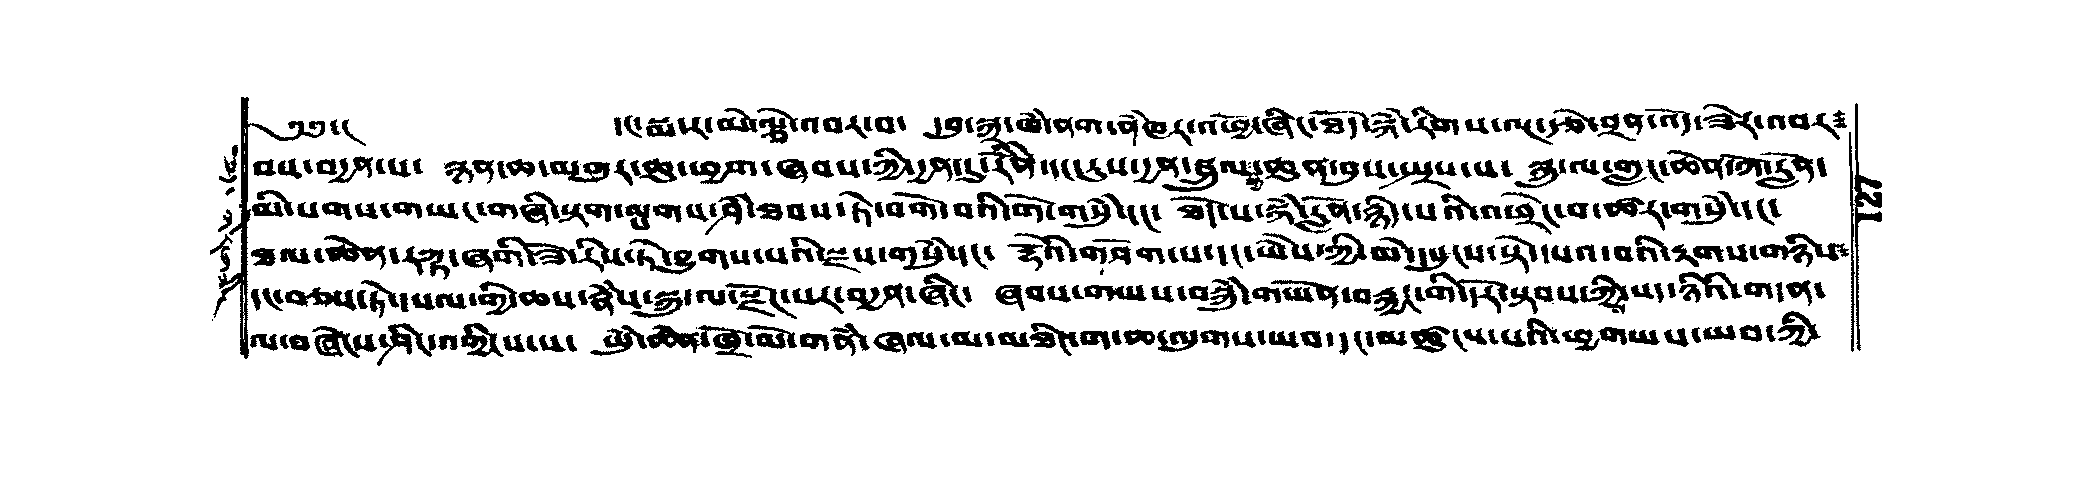དང་སྨ་ར་མེ་ལྕེ་འབར་བ། དབུ་སྐྲ་ཁམ་ནག་ནམ་མཁར་འཕྱོ་ཞིང་ཐོད་སྐམ་རིགས་ལྔ་རྩེ་བྲན་འོད་ཟེར་འབར་
བས་བརྒྱན་པ། སྙན་ཆ་མགུར་ཆུ་ཕྱག་ཞབས་ཀྱི་རྒྱན་དུ་རིན་པོ་ཆེ་དང་རུས་རྒྱན་སྦྲུལ་གྱི་ཆུན་བུས་སྤྲས་པ། སྐུ་ལ་གླང་ཆེན་ཀོ་རློན་
མི་པགས་གཡང་གཞི་སྟག་ལྤགས་ཤམ་ཐབས་ཏེ་བགོ་བའི་གོ་གསུམ་དང་། ཐོད་པ་སྐམ་རློན་རྙིད་པའི་འཕྲེང་བ་ཚར་གསུམ་དང་། 
ཐལ་ཆེན་རཀྟ་ཞག་གི་ཟོ་རིས་ཏེ་བྱུགས་པའི་རྫས་གསུམ་དང་། རྡོ་རྗེའི་གཤོག་པ་དང་ཡེ་ཤེས་ཀྱི་མེ་དཔུང་སྟེ་དཔའ་བའི་རྟགས་གཉིས་
དང་བཅས་ཏེ་དཔལ་གྱི་ཆས་རྣམས་སྐུ་ལ་རྫོགས་པར་བརྒྱན་ཞིང་། ཞབས་གཡས་བསྐུམ་གཡོན་བརྐྱང་གི་དོར་སྟབས་ཀྱིས་པད་ཉིའི་གདན་
ལ་བཞེངས་ཤིང་འགྱིངས་པ།ཡུམ་ཆེན་ཁྲོ་མོ་གནམ་ཞལ་མ་མཐིང་ག་ཆ་ལུགས་ཡབ་དང་མཚུངས་པའི་ཕྱག་གཡས་ཡབ་ཀྱི་